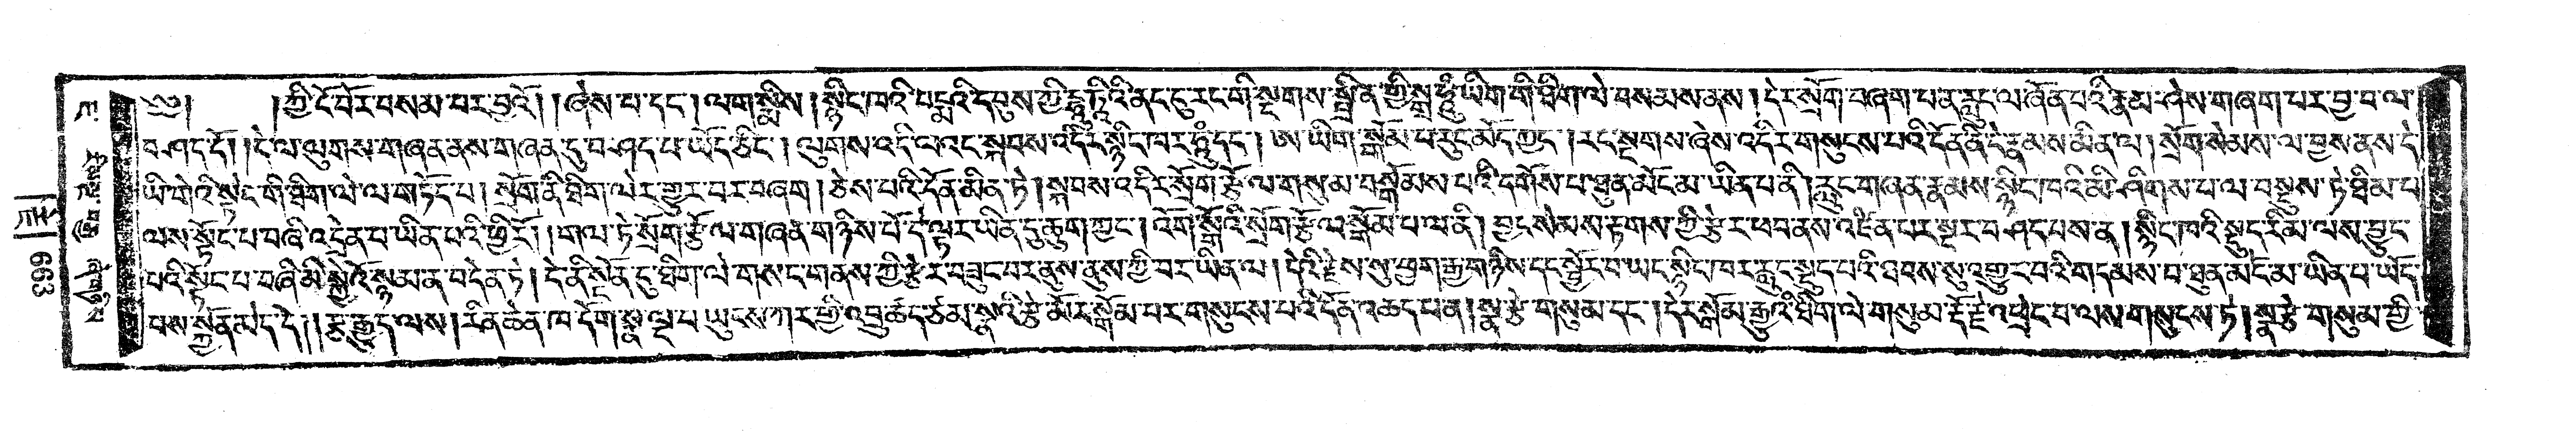༄༅། །ཀྱི་ངོ་བོར་བསམ་པར་བྱའོ། །ཞེས་པ་དང་། ལག་སྨིས་།སྙིང་ཁའི་པདམའི་དབུས་ཀྱི་དྷཱུ་ཏཱིའི་ནང་དུ་རང་གི་སྔགས་སྤྲིན་གྱི་སྒྲ་ཧཱུཾ་ཡིག་གི་ཐིག་ལེ་བསམས་ནས། དེར་སྲོག་བཞག་པ་ན་རླུང་ལ་ཞོན་པའི་རྣམ་ཤེས་གཞག་པར་བྱ་བ་ལ་
བཤད་དོ། །དེ་ལ་ལུགས་གཞན་ནས་གཞན་དུ་བཤད་པ་ཡོད་ཅིང་། ལུགས་འདི་ལའང་སྐབས་འདིར་སྙིང་ཁར་ཧཱུཾ་དང་། ཨ་ཡིག་སྒོམ་པ་རུང་མོད་ཀྱང་། རང་སྔགས་ཞེས་འདིར་གསུངས་པའི་དོན་ནི་དེ་རྣམས་མིན་ལ། སྲོག་སེམས་ལ་བྱས་ནས་དེ་
ཡི་གེའི་སྟེང་གི་ཐིག་ལེ་ལ་གཏོད་པ། སྲོག་ནི་ཐིག་ལེར་གྱུར་པར་བཞག །ཅེས་པའི་དོན་མིན་ཏེ། སྐབས་འདིར་སྲོག་རྩོལ་གསུམ་བསྒོམས་པའི་དགོས་པ་ཐུན་མོང་མ་ཡིན་པ་ནི། རླུང་གཞན་རྣམས་སྙིང་ཁའི་མི་ཤིགས་པ་ལ་བསྡུས་ཏེ་ཐིམ་པ་
ལས་སྟོང་པ་བཞི་འདྲེན་པ་ཡིན་པའི་ཕྱིར། །གལ་ཏེ་སྲོག་རྩོལ་གཞན་གཉིས་པོ་དེ་ལྟར་ཡིན་དུ་ཆུག་ཀྱང་། འོག་སྒོའི་སྲོག་རྩོལ་སྒོམ་པ་ལ་ནི། བྱང་སེམས་རྟགས་ཀྱི་རྩེར་ཕབ་ནས་འཛིན་པར་སྔར་བཤད་པས་ན། སྙིང་ཁའི་སྡུད་རིམ་ལས་བྱུང་
པའི་སྟོང་པ་བཞི་མི་སྐྱེའོ་སྙམ་ན་བདེན་ཏེ། དེ་ནི་སྔོན་དུ་ཐིག་ལེ་གསང་གནས་ཀྱི་རྩེར་བཟུང་བར་ནུས་ནུས་ཀྱི་བར་ཡིན་ལ། དེའི་རྗེས་སུ་ཕྱག་རྒྱ་གཉིས་དང་སྦྱོར་བ་ཡང་སྙིང་ཁར་རླུང་སྡུད་པའི་ཐབས་སུ་འགྱུར་བའི་གདམས་པ་ཐུན་མོང་མ་ཡིན་པ་ཡོད་
པས་སྐྱོན་མེད་དོ། །རྩ་རྒྱུད་ལས། རིན་ཆེན་ཁ་དོག་སྣ་ལྔ་པ་ཡུངས་ཀར་གྱི་འབྲུ་ཚད་ཙམ་སྣའི་རྩེ་མོར་སྒོམ་པར་གསུངས་པའི་དོན་འཆད་པ་ན། སྣ་རྩེ་གསུམ་དང་། དེར་སྒོམ་རྒྱུའི་ཐེག་ལེ་གསུམ་རྡོ་རྗེ་འཕྲེང་བ་ལས་གསུངས་ཏེ། སྣ་རྩེ་གསུམ་གྱི་